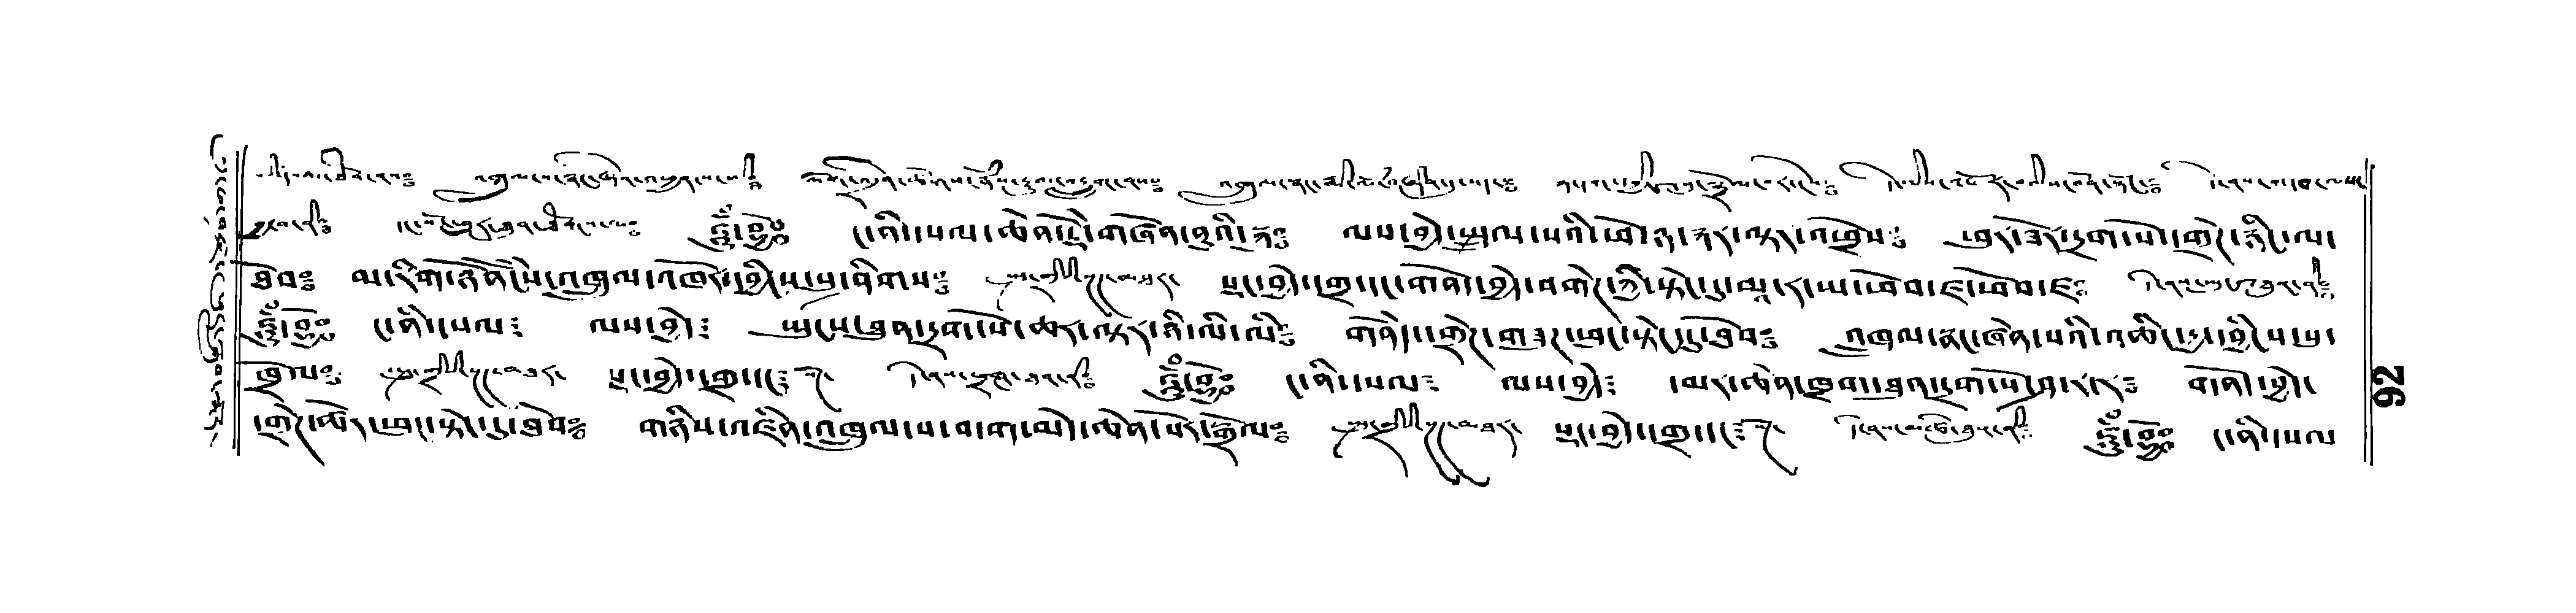པའི་དཔལ་ཐོབ་ནས༔ འཁྲུལ་པ་སྣང་ཞེན་འཕྱན་པ་ཡི༔ ལོག་འདྲེན་ཚོགས་རྣམས་རྡུལ་བརླག་ནས༔ འཁྲུལ་སྣང་རྨི་ལམ་བཞིན་དུ་སད༔ ཀ་དག་དབྱིངས་སུ་སྒྲོལ་བར་ངེས༔ དེ་ཡིས་འཁོར་བའི་ས་བོན་སྟོང༔ དེ་ནས་གདབ་ལས་
བྱ་བ་ནི༔ དང་པོ་ཕུར་ཐུན་ཐོགས་ལ༔ ཧཱུྃ་བྷྱོ༔ ང་ནི་དཔལ་ཆེན་རྡོ་རྗེ་གཞོན་ནུའི་སྐུ༔ ལས་བྱེད་སྤྲུལ་པའི་ཕོ་ཉ་སྐར་ལྟར་འཕྲོས༔ ཕུར་ཟོར་དྲག་པོ་དགྲ་བགེགས་སྙིང་ལ་
ཐོབ༔ མ་རིག་ཉོན་མོངས་འཁྲུལ་འཁོར་དབྱིངས་སུ་ཤིགས༔ སྤུ་གྲིའི་སྔགས་མཐར༔ སྡང་བྱེད་དགྲ་དང་གནོད་བྱེད་བགེགས་ཀྱི་སྟེང་དུ་མཱ་ར་ཡ་ཕོབ་ཛ་ཕོབ་ཛཿ དེ་ནས་ཡུངས་ཐུན་ནི༔ 
ཧཱུྃ་བྷྱོ༔ ང་ནི་དཔལ་ཆེན༴ ལས་བྱེད༴ ཡུངས་ཐུན་དྲག་པོ་ཆར་ལྟར་ཉི་ལི་ལི༔ གནོད་བྱེད་དགྲ་བགེགས་གཟུགས་ཕུང་སྟེང་དུ་ཐོབ༔ འཁྲུལ་སྣང་ཞེན་པའི་འཆིང་རྒྱ་དབྱིངས་སུ་
ཁྲོལ༔ སྤུ་གྲིའི་སྔགས་མཐར༔ སྡང་བྱེད་དགྲ་དང་སོགས༔ དེ་ནས་ཁྲག་ཐུན་ནི༔ཧཱུྃ་བྷྱོ༔ ང་ནི་དཔལ་ཆེན༴ ལས་བྱེད༴ དམར་ཆེན་ཁྲག་ཐུན་དྲག་པོ་ཤ་ར་ར༔ གནོད་བྱེད་
དགྲ་བགེགས་ཚོར་ཕུང་སྟེང་དུ་ཐོབ༔ གཉིས་འཛིན་འཁྲུལ་པ་བདག་མེད་ཆེན་པོར་སྒྲོལ༔ སྤུ་གྲིའི་སྔགས་མཐར༔ སྡང་བྱེད་དགྲ་དང་སོགས༔ དེ་ནས་མཚེ་ཐུན་ནི༔ ཧཱུྃ་བྷྱོ༔ ང་ནི་དཔལ་ཆེན༴